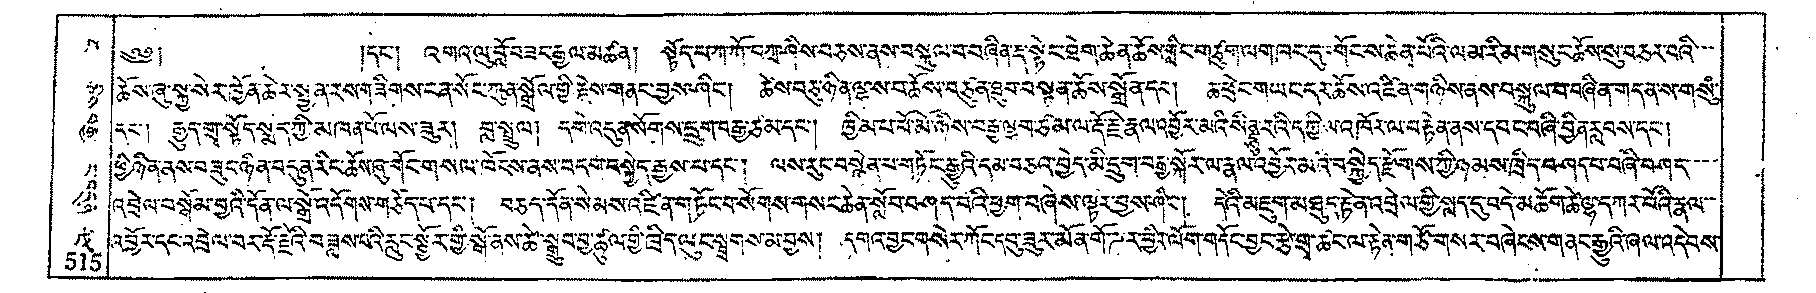༄༅། །དང་། འགའ་ལུ་བློ་བཟང་རྒྱལ་མཚན། སྟོད་པ་ཀ་ཀོ་བཀྲ་ཤིས་བཅས་ནས་བསྐུལ་བ་བཞིན་རྡ་སྟེང་ཐེག་ཆེན་ཆོས་གླིང་གཙུག་ལག་ཁང་དུ་༧གོང་ས་ཆེན་པོའི་ལམ་རིམ་གསུང་ཆོས་སུ་བཅར་བའི་
ཆོས་ཞུ་སྐྱ་སེར་ཁྱོན་ཆེར་སྤྱན་རས་གཟིགས་ངན་སོང་ཀུན་སྒྲོལ་གྱི་རྗེས་གནང་བྱས་ཤིང་། ཚེས་བཅུ་ཉིན་ལྷ་ས་བ་ཆོས་བཙུན་ཐུབ་བསྟན་ཆོས་སྒྲོན་དང་། ཆ་ཕྲེང་གཡང་དར་ཆོས་འཛིན་གཉིས་ནས་བསྐུལ་བ་བཞིན་གདན་ས་གསུཾ་
དང་། རྒྱུད་གྲྭ་སྟོད་སྨད་ཀྱི་མཁན་པོ་ལས་ཟུར། བླ་སྤྲུལ། དགེ་འདུན་སོགས་དྲུག་བརྒྱ་ཙམ་དང་། ཁྱིམ་པ་ཕོ་མོ་ཉིས་བརྒྱ་ལྷག་ཙམ་ལ་རྡོ་རྗེ་རྣལ་འབྱོར་མའི་སིནྡྷུ་རའི་དཀྱིལ་འཁོར་ལ་བརྟེན་ནས་དབང་བཞི་བྱིན་རླབས་དང་།
ཕྱི་ཉིན་ནས་བཟུང་ཉིན་བདུན་རིང་ཆོས་ཞུ་གོང་གསལ་ཁོངས་ནས་བདག་བསྐྱེད་རྒྱས་པ་དང་། ལས་རུང་བསྙེན་པ་གཏོང་རྒྱུའི་དམ་བཅའ་བྱེད་མི་དྲུག་བརྒྱ་སྐོར་ལ་རྣལ་འབྱོར་མའི་བསྐྱེད་རྫོགས་ཀྱི་ཉམས་ཁྲིད་བཤད་པ་བཞི་བཤད་
འབྲེལ་བསྒོམ་བྱའི་དོན་ལ་སྒྲོ་འདོགས་གཅོད་པ་དང་། བཅད་དོན་སེམས་འཛིན་གཏོང་བ་སོགས་གསང་ཆེན་སློབ་བཤད་པའི་ཕྱག་བཞེས་ལྟར་བྱས་ཤིང་། དེའི་མཇུག་མཐུད་རྟེན་འབྲེལ་གྱི་སླད་དུ་བདེ་མཆོག་ཚེ་ལྷ་དཀར་པོའི་རྣལ་
འབྱོར་དང་འབྲེལ་བར་རྡོ་རྗེའི་བཟླས་པའི་རླུང་སྦྱོར་གྱི་སྒོ་ནས་ཚེ་སྒྲུབ་བྱ་ཚུལ་གྱི་ཁྲིད་ལུང་སྦྲགས་མ་བྱས། དགའ་བྱང་གསེར་ཀོང་དབུ་ཟུར་མོན་གོ་ཌར་ཕྱིར་ལོག་གདོང་བྱང་རྩེ་གྲྭ་ཚང་ལ་རྟེན་གཙོ་གསར་བཞེངས་གནང་རྒྱུའི་ཞལ་འདེབས་